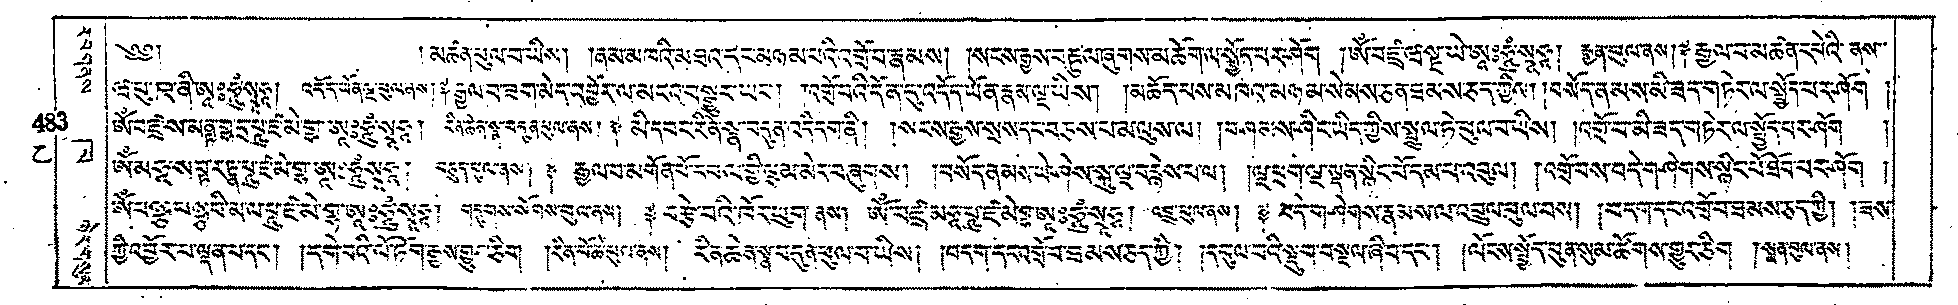༄༅། །མཚན་ཕུལ་བ་ཡིས། །ནམ་མཁའི་མཐའ་དང་མཉམ་པའི་འགྲོ་བ་རྣམས། །སངས་རྒྱས་བརྟུལ་ཞུགས་མཆོག་ལ་སྤྱོད་པར་ཤོག །ཨོཾ་བཛྲ་ཝ་སྟྲ་ཡེ་ཨཱཿཧཱུཾ་སྭཱཧཱ། རྒྱན་ཕུལ་ནས།  འ་རྒྱལ་བ་མཚན་དཔེའི་ནས་
ཝ་པུ་ཥ་ནི་ཨཱཿཧཱུཾ་སྭཱཧཱ། འདོད་ཡོན་ལྔ་ཕུལ་ནས།  འ་རྒྱལ་བ་ཟག་མེད་འབྱོར་ལ་མངའ་བསྒྱུར་ཡང་། །འགྲོ་བའི་དོན་དུ་འདོད་ཡོན་རྣམ་ལྔ་ཡིས། །མཆོད་པས་མཁའ་མཉམ་སེམས་ཅན་ཐམས་ཅད་ཀྱིས། །བསོད་ནམས་མི་ཟད་གཏེར་ལ་སྤྱོད་པར་ཤོག །
ཨོཾ་བཛྲ་ས་མནྟ་བྷ་དྲ་པཱུ་ཛ་མེ་གྷ་ཨཱཿཧཱུཾ་སྭཱཧཱ། རིན་ཆེན་སྣ་བདུན་ཕུལ་ནས།  འ་མི་དབང་རིན་སྣ་བདུན་འདི་དག་ནི། །སངས་རྒྱས་སྲས་དང་བཅས་པ་མ་ལུས་ལ། །བཤམས་ཤིང་ཡིད་ཀྱིས་སྤྲུལ་ཏེ་ཕུལ་བ་ཡིས། །འགྲོ་བ་མི་ཟད་གཏེར་ལ་སྤྱོད་པར་ཤོག །
ཨོཾ་མཧཱ་སཔྟ་རཏྣ་པཱུ་ཛ་མེ་གྷ་ཨཱཿཧཱུཾ་སྭྰྷའ། བཅུད་ཕུལ་ནས།  འ་རྒྱལ་བ་མགོན་པོ་དཔལ་གྱི་ལྷམ་མེར་བཞུགས། །བསོད་ནམས་ཡེ་ཤེས་སྐུ་ལྔ་བརྙེས་པ་ལ། །ལྔ་ཕྲག་ལྔ་ལྡན་སྙིང་པོ་དམ་པ་འབུལ། །འགྲོ་བས་བདེ་གཤེགས་སྙིང་པོ་ཐོབ་པར་ཤོག །
ཨོཾ་པཉྩ་པཉྩ་བི་མ་ལ་པཱུ་ཛ་མེ་གྷ་ཨཱཿཧཱུཾ་སྭཱཧཱ། གདུགས་སོགས་ཕུལ་ནས།  འ་བརྩེ་བའི་ཁོར་ཡུག་ནས།  ཨོཾ་བཛྲ་མཧཱ་པཱུ་ཛ་མེ་གྷ་ཨཱཿཧཱུཾ་སྭཱཧཱ། འབྲུ་ཕུལ་ནས།  འ་བདེ་གཤེགས་རྣམས་ལ་འབྲུལ་ཕུལ་བས། །བདག་དང་འགྲོ་བ་ཐམས་ཅད་ཀྱི། །ཟས་
ཀྱི་འབྱོར་པ་ལྡན་པ་དང་། །དགེ་བའི་ལོ་ཏོག་རྒྱས་གྱུར་ཅིག་།རིན་པོ་ཆེ་ཕུལ་ནས།  རིན་ཆེན་སྣ་བདུན་ཕུལ་བ་ཡིས། །བདག་དང་འགྲོ་བ་ཐམས་ཅད་ཀྱི། །དབུལ་བའི་སྡུག་བསྔལ་ཞི་བ་དང་། །ལོངས་སྤྱོད་ཕུན་ཚོགས་གྱུར་ཅིག་།སྨན་ཕུལ་ནས།